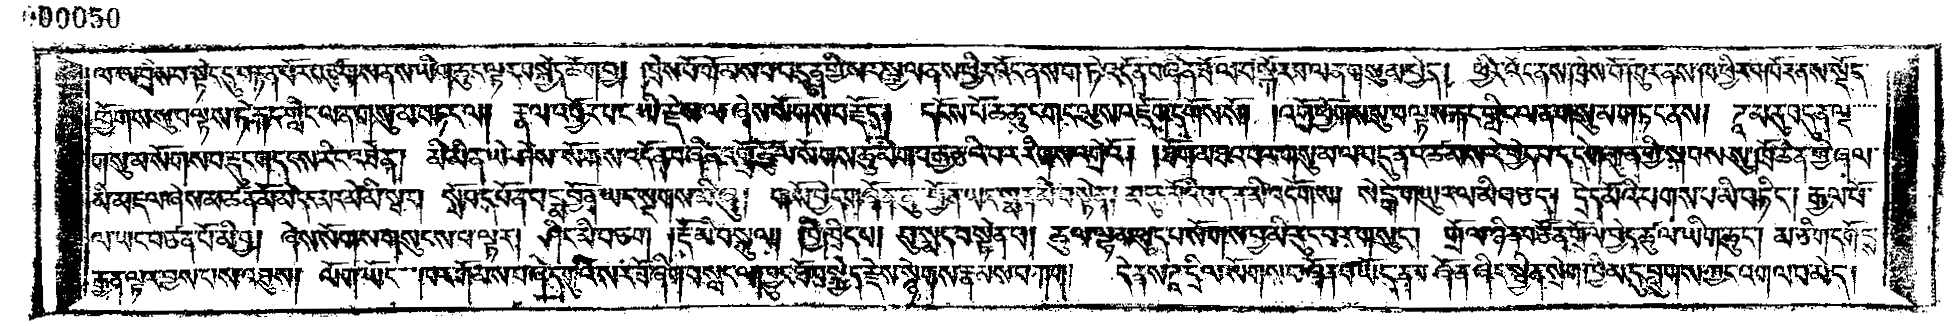ལ་ཨ་བྲིས་པ་སྟེང་དུ་བརྟན་པོར་བཙུགས་ནས་ཡིག་ཆུང་ལྟར་བསྐྱེད་ཆོག་བྱ། ཁྲེས་པོ་གོམས་པ་བདུན་གྱི་སར་སྐྱལ་ནས་ཕྱིར་འོང་ནས་ག་ཏེ་འདོན་བཞིན་ཐོ་ལ་བསྐོར་བ་ལན་གསུམ་ཕྱེད། ཕྱིར་འོང་ནས་ཁྲོས་བོ་ཁུར་ནས་ཁ་ཕྱིར་འཁོར་ནས་སྡོད་
ཕྱོགས་སུ་བལྟས་ཏེ་རྐང་གླིང་ལན་གསུམ་བཏང་ལ། རྣལ་འབྱོར་པ་ང་ཡི་རྗེས་ལ་ཞེས་སོགས་བརྗོད། དངོས་པོ་ཆ་ཆུང་གང་ལུས་འཇོག་དགོས་སོ། །འགྲོ་ཕྱོགས་སུ་བལྟས་རྐང་གླིང་ལན་གསུམ་གཏང་ནས། ཌཱ་མ་རུ་བདུན་ལྔ་
གསུམ་སོགས་བརྡུང་གདངས་རིང་འཐེན། མི་མིན་ཡེ་ཤེས་སོགས་འདོན་བཞིན་འགྲོ་ཚུལ་སོགས་ཆུ་མིག་བརྒྱ་རྩའི་བར་རིགས་འགྲོའོ། །ཐོག་མཐའ་བར་གསུམ་ལ་བདུན་འཚམས་རེ་བྱེད་པ་ད་དགེ་ཀུན་གྱི་སྐབས་སུ་ཁྲོ་ཆེན་གྱི་ཞལ་
མི་མཇལ་ཞེས་མཚན་མོ་མེ་དང་མར་མེ་མི་སྦར། སློབ་དཔོན་པདམ་བྱོན་ཡང་སྔགས་མི་ཞུ། གསོ་བྱེད་གཞོན་ནུ་བྱོན་ཡང་སྨན་མི་བསྟེན། མདུང་མོའི་བ་དན་མི་འདོགས། སེངྒེ་གཡུ་རལ་མི་བཅད། དྲེད་མོའི་པགས་པ་མི་བཏིང་། རྒྱལ་པོ་
ལ་ཡང་བཙན་པོ་མི་བྱ། ཞེས་སོགས་གསུངས་པ་ལྟར། ཤིང་མི་བཅག །རྡོ་མི་བསྐུལ། ཁྱི་ཁྲིད་པ། བུ་སྨད་བསྟེན་པ། ཆུ་ལ་ལྷམ་ཕུད་པ་སོགས་བྱ་མི་རུང་བར་གསུང་། གྲོལ་ཉིན་བཙོན་གྲོལ་བྱེད་ཚུལ་ཡིག་ཆུང་། མ་ཅིག་དགོངས་
རྒྱན་ལྟར་བྱས་པས་འཐུས། ལོག་ཡོང་ཁར་གོམས་བཞི་དགུའི་སར་ཐོ་ཞིག་བསླང་ལ་ཁྱུང་ཐོ་བསྐྱེད་རྗེས་སྙེགས་རྣམས་བཀག །དེ་ནས་ཌཱ་དྲིལ་སོགས་བཞོན་པ་ཡོད་ན་བཞོན་ཞིང་སྦྱིན་སྲེག་ཁྱིམ་དུ་བླུགས་ཀྱང་འགལ་བ་མེད།